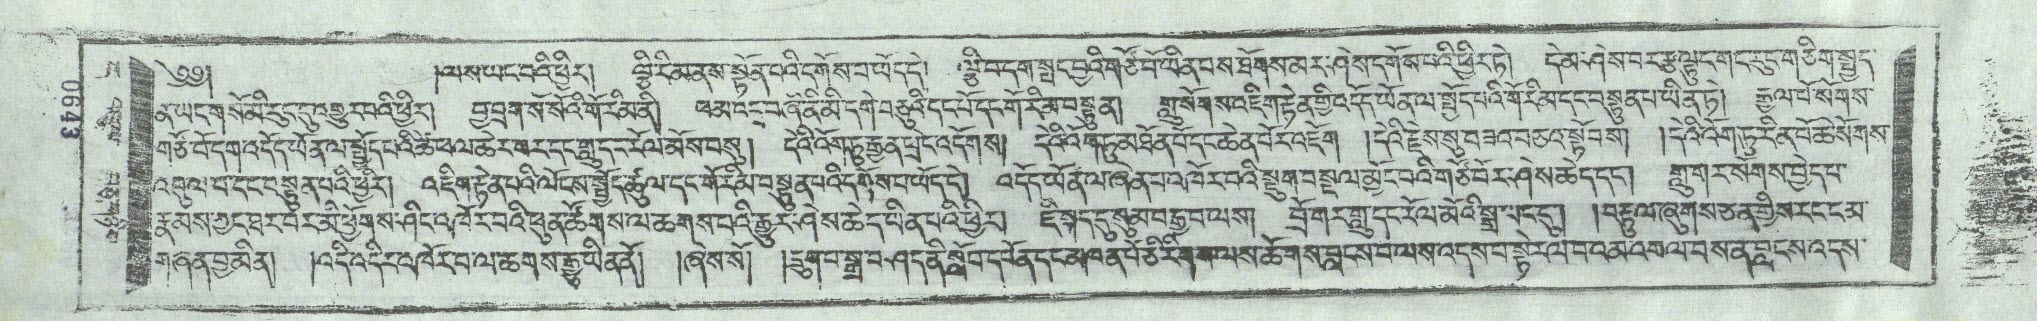༄༅། །ལས་ཡང་བའི་ཕྱིར། ལྕི་རིམ་ནས་སྟོན་པའི་དགོས་པ་ཡོད་དེ། ལྕི་བདག་སྤང་བྱའི་གཙོ་བོ་ཡིན་པས་ཐོགས་མར་ཤེས་དགོས་པའི་ཕྱིར་ཏེ། དེ་མ་ཤེས་བར་རྩ་ལྟུང་གང་རུང་གཅིག་སྤྱད་
ན་ཡང་གསོ་མི་རུང་དུ་འགྱུར་པའི་ཕྱིར། བྱེ་བྲག་སོ་སོའི་གོ་རིམ་ནི། ཕམ་འདྲ་བཞི་ནི་མི་དགེ་བཅུའི་དང་པོ་དང་གོ་རིམ་བསྟུན། གླུ་སོགས་འཇིག་རྟེན་གྱི་འདོད་ཡོན་ལ་སྤྱོད་པའི་གོ་རིམ་དང་བསྟུན་པ་ཡིན་ཏེ། རྒྱལ་པོ་སོགས་
གཙོ་བོ་དག་འདོད་ཡོན་ལ་སྤྱོད་པའི་ཚེ་ཕལ་ཆེར་གར་དང་གླུ་དང་རོལ་མོས་བསུ། དེའི་འོག་ཏུ་རྒྱན་ཕྲེང་འདོགས། དེའི་འོག་ཏུ་མཐོན་པོ་དང་ཆེན་པོར་འཇོག །དེའི་རྗེས་སུ་བཟའ་བཅའ་སྟོབས། །དེའི་འོག་ཏུ་རིན་པོ་ཆེ་སོགས་
འབུལ་བ་དང་བསྟུན་པའི་ཕྱིར། འཇིག་རྟེན་པའི་ལོངས་སྤྱོད་ཚུལ་དང་གོ་རིམ་བསྟུན་པའི་དགོས་པ་ཡོད་དེ། འདོད་ཡོན་ལ་ཞེན་པ་འཁོར་བའི་སྡུག་བསྔལ་མྱོང་བའི་གཙོ་བོར་ཤེས་ཆེད་དང་། གླུ་གར་སོགས་བྱེད་པ་
རྣམས་ཀྱང་ཐར་བར་མི་ཕྱོགས་ཤིང་འཁོར་བའི་ཕུན་ཚོགས་ལ་ཆགས་པའི་རྒྱུར་ཤེས་ཆེད་ཡིན་པའི་ཕྱིར། ཇི་སྐད་དུ་སུམ་བརྒྱ་བ་ལས། བྲོ་གར་གླུ་དང་རོལ་མོའི་སྒྲ་ཡང་དུ། །བརྟུལ་ཞུགས་ཅན་གྱིས་རང་ངམ་
གཞན་བྱ་མིན། །འདི་འདིར་འཁོར་བ་ལ་ཆགས་རྒྱུ་ཡིན་ནོ། །ཞེས་སོ། །དྲུག་པ་སྒྲ་བཤད་ནི་སློབ་དཔོན་དང་མཁན་པོ་ཅི་རིགས་ལས་ཆོགས་བླངས་པ་ལས་འདས་པ་སྟེ་རལ་བ་འམ་འགལ་བས་ན་བླངས་འདས་